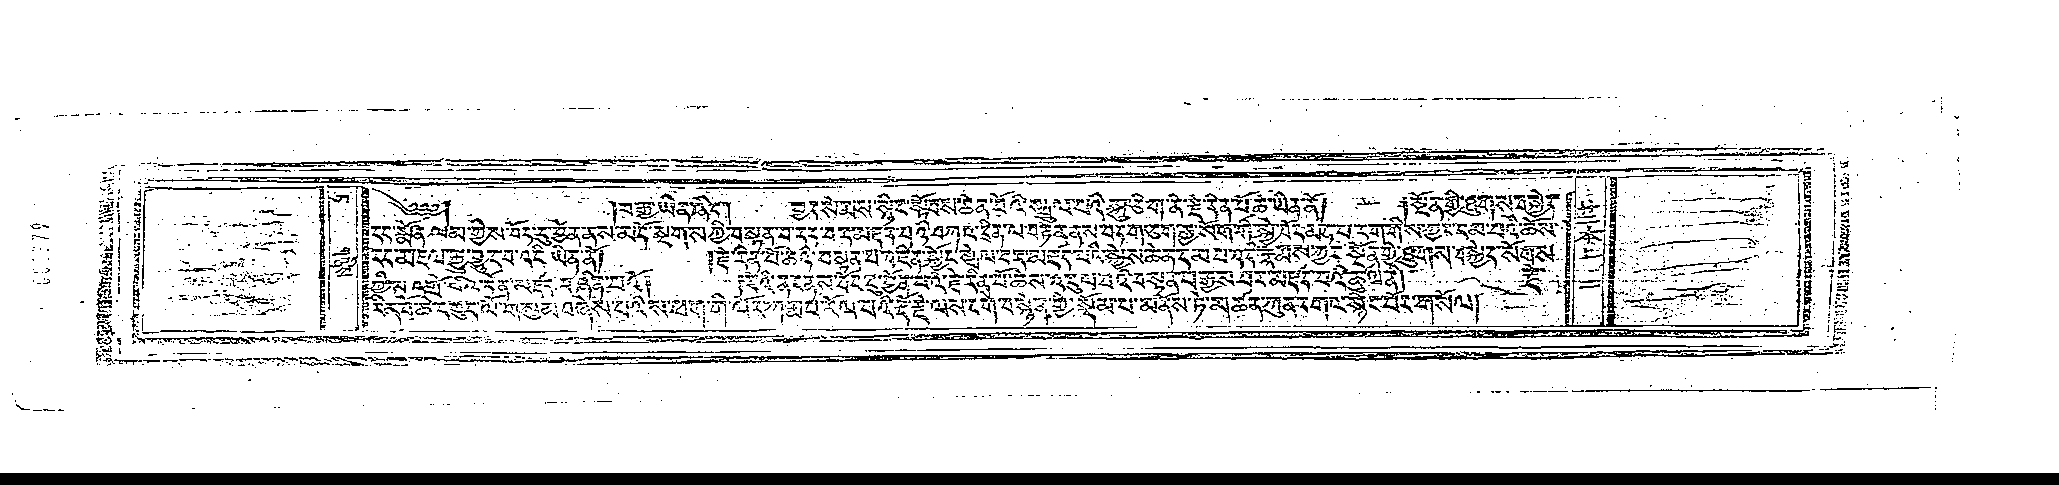༄༅༅། །བརྒྱ་ཡིན་ཞིང་། བྱང་སེམས་སྙིང་སྟོབས་ཆེན་པོའི་སྤྲུལ་པའི་སྐུ་ཅིག་ནི་རྗེ་རིན་པོ་ཆེ་ཡིན་ནོ། །སྔོན་ཀྱི་ཐུགས་བསྐྱེད་
དང་སྨོན་ལམ་གྱིས་བོད་དུ་བྱོན་ནས་མདོ་སྔགས་ཀྱི་བསྟན་པ་དང་པོར་མཛད་པའི་བཀའ་དྲིན་ལ་བརྟན་ནས་བདག་ཅག་རྒྱ་སོག་གི་སྐྱེ་བོར་མང་པོ་དག་གིས་ཀྱང་དམ་པའི་ཆོས་
དང་མཇལ་རྒྱུ་བྱུང་བ་འདི་ཡིན་ནོ། །རྗེ་རིན་པོ་ཆེའི་བསྟན་པ་འཛིན་སྐྱོད་སྤེལ་བར་མཛད་པའི་སྐྱེས་ཆེན་དམ་པ་འདི་རྣམས་ཀྱང་སྔོན་གྱི་ཐུགས་བསྐྱེད་སོགས་
ཀྱིས་འགྲོ་བའི་དོན་མཛད་བཞིན་པའོ། །དེའི་ནང་ནས་བོད་དུ་བྱོན་པའི་རྗེ་རིན་པོ་ཆེས་འདུལ་བའི་བསྟན་བརྒྱས་པར་མཛད་པའི་ཚུལ་ནི། རྗེ་
རིན་པོ་ཆེ་དགུང་ལོ་གསུམ་བཞེས་པའི་ས་ཕག་གི་ལོར་ཀརྨ་པ་རོལ་པའི་རྡོ་རྗེ་ལས་དགེ་བསྙེན་གྱི་སྔོམ་པ་མནོས་ཏེ་མཚན་ཀུན་དགའ་སྙིང་པོར་གསོལ།